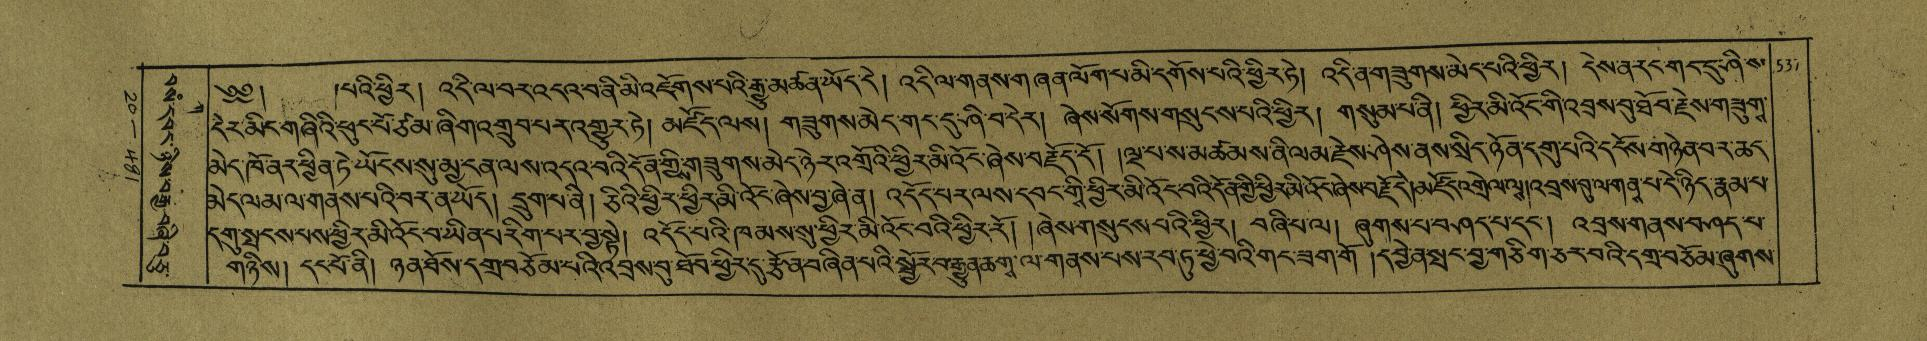༄༅། །པའི་ཕྱིར། འདི་ལ་བར་འདའ་བ་ནི་མི་འཇོགས་པའི་རྒྱུ་མཚན་ཡོད་དེ། འདི་ལ་གནས་གཞན་ལོག་པ་མི་དགོས་པའི་ཕྱིར་ཏེ། འདི་ན་གཟུགས་མེད་པའི་ཕྱིར། དེས་ན་རང་གང་དུ་ཤི་ས་
དེར་མིང་གཞིའི་ཕུང་པོ་ཙམ་ཞིག་འགྲུབ་པར་འགྱུར་ཏེ། མཛོད་ལས། གཟུགས་མེད་གང་དུ་ཤི་བ་དེར། ཞེས་སོགས་གསུངས་པའི་ཕྱིར། གསུམ་པ་ནི། ཕྱིར་མི་འོང་གི་འབྲས་བུ་ཐོབ་རྗེས་གཟུགས་
མེད་ཁོ་ནར་ཕྱིན་ཏེ་ཡོངས་སུ་མྱ་ངན་ལས་འདའ་བའི་དོན་གྱིས་གཟུགས་མེད་ཉེར་འགྲོའི་ཕྱིར་མི་འོང་ཞེས་བརྗོད་དོ། །ལྔ་པ་ས་མཚམས་ནི་ལམ་རྗེས་ཤེས་ནས་སྲིད་ཉོན་དགུ་པའི་དངོས་གཉེན་བར་ཆད་
མེད་ལམ་ལ་གནས་པའི་བར་ན་ཡོད། དྲུག་པ་ནི། ཅིའི་ཕྱིར་ཕྱིར་མི་འོང་ཞེས་བྱ་ཞེ་ན། འདོད་པར་ལས་དབང་གིས་ཕྱིར་མི་འོང་བའི་དོན་གྱི་ཕྱིར་མི་འོང་ཞེས་བརྗོད་དེ། མཛོད་འགྲེལ་ལས། འབྲས་བུ་ལ་གནས་པ་དེ་ཉིད་རྣམ་པ་
དགུ་སྤངས་པས་ཕྱིར་མི་འོང་བ་ཡིན་པ་རིག་པར་བྱ་སྟེ། འདོད་པའི་ཁམས་སུ་ཕྱིར་མི་འོང་བའི་ཕྱིར་རོ། །ཞེས་གསུངས་པའི་ཕྱིར། བཞི་པ་ལ། ཞུགས་པ་བཤད་པ་དང་། འབྲས་གནས་བཤད་པ་
གཉིས། དང་པོ་ནི། ཉན་ཐོས་དགྲ་བཅོམ་པའི་འབྲས་བུ་ཐོབ་ཕྱིར་དུ་རྩོན་བཞིན་པའི་སྦྱོར་བ་རྒྱུན་ཆགས་ལ་གནས་པས་རབ་ཏུ་ཕྱེ་བའི་གང་ཟག་གོ །དབྱེ་ན་སྤང་བྱ་གཅིག་ཅར་བའི་དགྲ་མཚམས་དང་གསུམ། དང་པོ་ནི། གོང་མའི་ཆ་མཐུན་ལྔ་སྤངས་